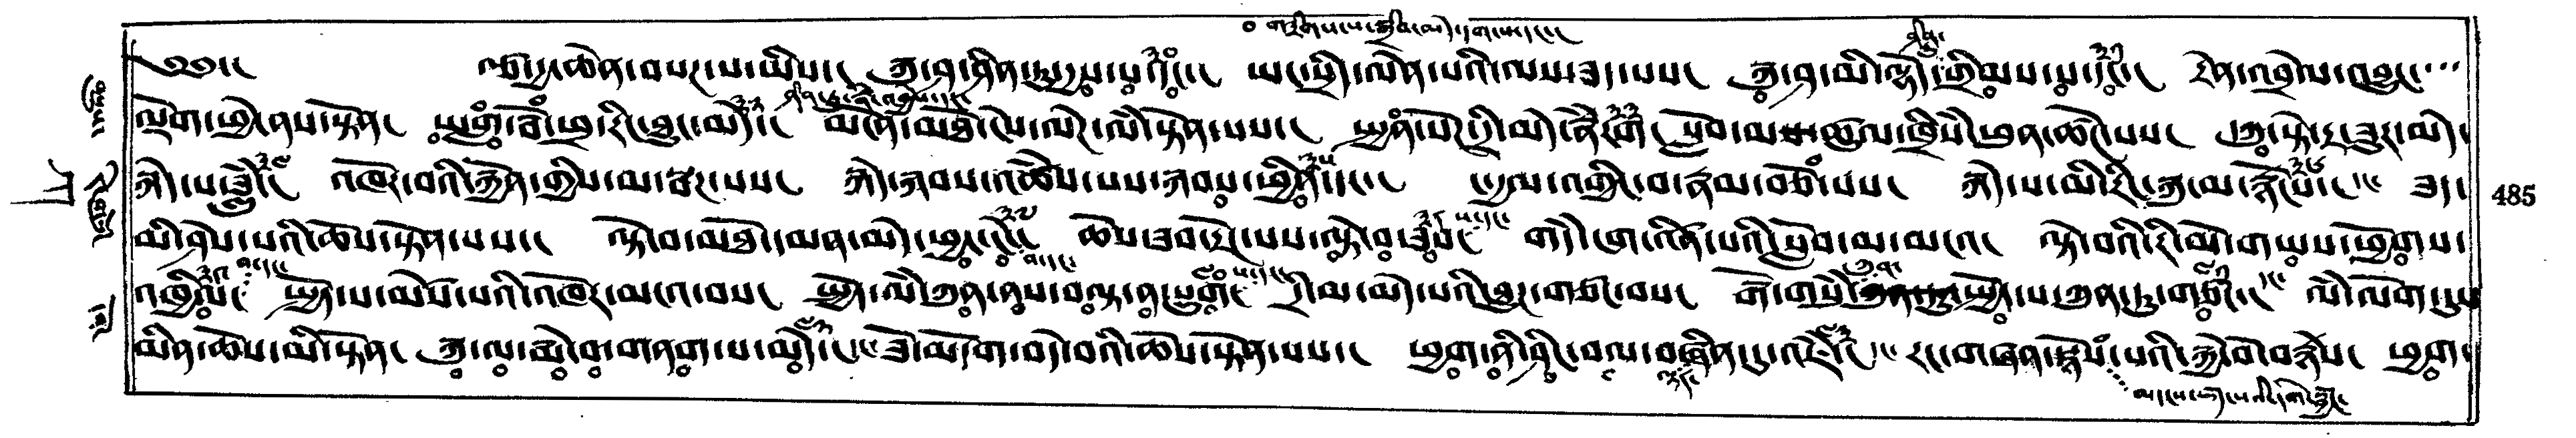རྩ་རྒྱ་ཆེན་བསགས་པ་ཡིས། །སྐུ་ཤ་ཤིན་ཏུ་རྒྱས་པ་དང་། ། གཟིགས་པ་སྒྲིབ་མེད་དག་པ་དང་། ཡང་སྲིད་ལེན་པའི་ལས་ཟད་པས། །སྐུ་ཤ་མི་ལྷོད་ཤིན་ཏུ་གྲིམ་པ་དང་། །རྟེན་འབྲེལ་འབྱུང་
ལྡོག་ཕྱེ་ནས་སྟོན། །ཡན་ལག་སྦོམ་ཕྲ་རིང་ཐུང་མེད། ཤིན་ཏུ་རྣམ་འབྱེད་དང་།། མངོན་མཐོ་ངེས་ལེགས་ལམ་སྟོན་པས། །སྤྱན་སོགས་དྲི་མེད་རྣམ་པར་དག །སློབ་མ་ཚུལ་ཁྲིམས་ཕུན་ཚོགས་པས། །དཀུ་སྟེ་རྟ་ཟུར་
སྐེད་པ་ཟླུམ། །འཁོར་བའི་སྐྱོན་གྱིས་མ་སྦགས་པས། །སྐེད་སྐབས་འཚམ་པས་སྐབས་ཕྱིན་དང་། །ང་རྒྱལ་འགྱིང་བ་རྣམ་བཅོམ་པས། །སྐེད་པ་མི་རིང་སྐུ་མ་རྙོངས། །ཟད་
མི་ཤེས་པའི་ཆོས་སྟོན་པས། །ལྟོ་བ་མཐོ་དམན་མེད་ཕྱང་ངེ་།། བ་དང་། ཆོས་ཟབ་རྟོགས་པས་ལྟེ་བ་ཟབ།། པ་དང་། གདམ་ངག་འཛིན་པའི་སློབ་མ་མངའ། །ལྟེ་བའི་རི་མོ་གཡས་ཕྱོགས་
འཁྱིལ། །སྤྱོད་པ་མཛེས་པའི་འཁོར་མངའ་བས། །སྤྱོད་ལམ་ཀུན་ནས་བལྟ་ན་སྡུག པ་དང་། དྲི་མ་མེད་པའི་ཐུགས་གཙང་བས། །སྒོ་གསུམ་སྤྱོད་པ་ཀུན་ཏུ་གཙང་། །ལམ་ལོག་དུས་
མིན་ཆོས་མི་སྟོན། །སྐུ་ལ་སྨེ་བ་གནག་བག་མེད། །ཟོ་མདོག་བདེ་བའི་ཆོས་སྟོན་པས། །ཕྱག་ནི་ཤིང་བལ་བཞིན་དུ་འཇམ། །རང་གཞན་སྙོམས་མདངས་ཡོད་པའི་དགེ་སྦྱང་པའི་སྐྱེ་བོ་བརྙེས། །ཕྱག་